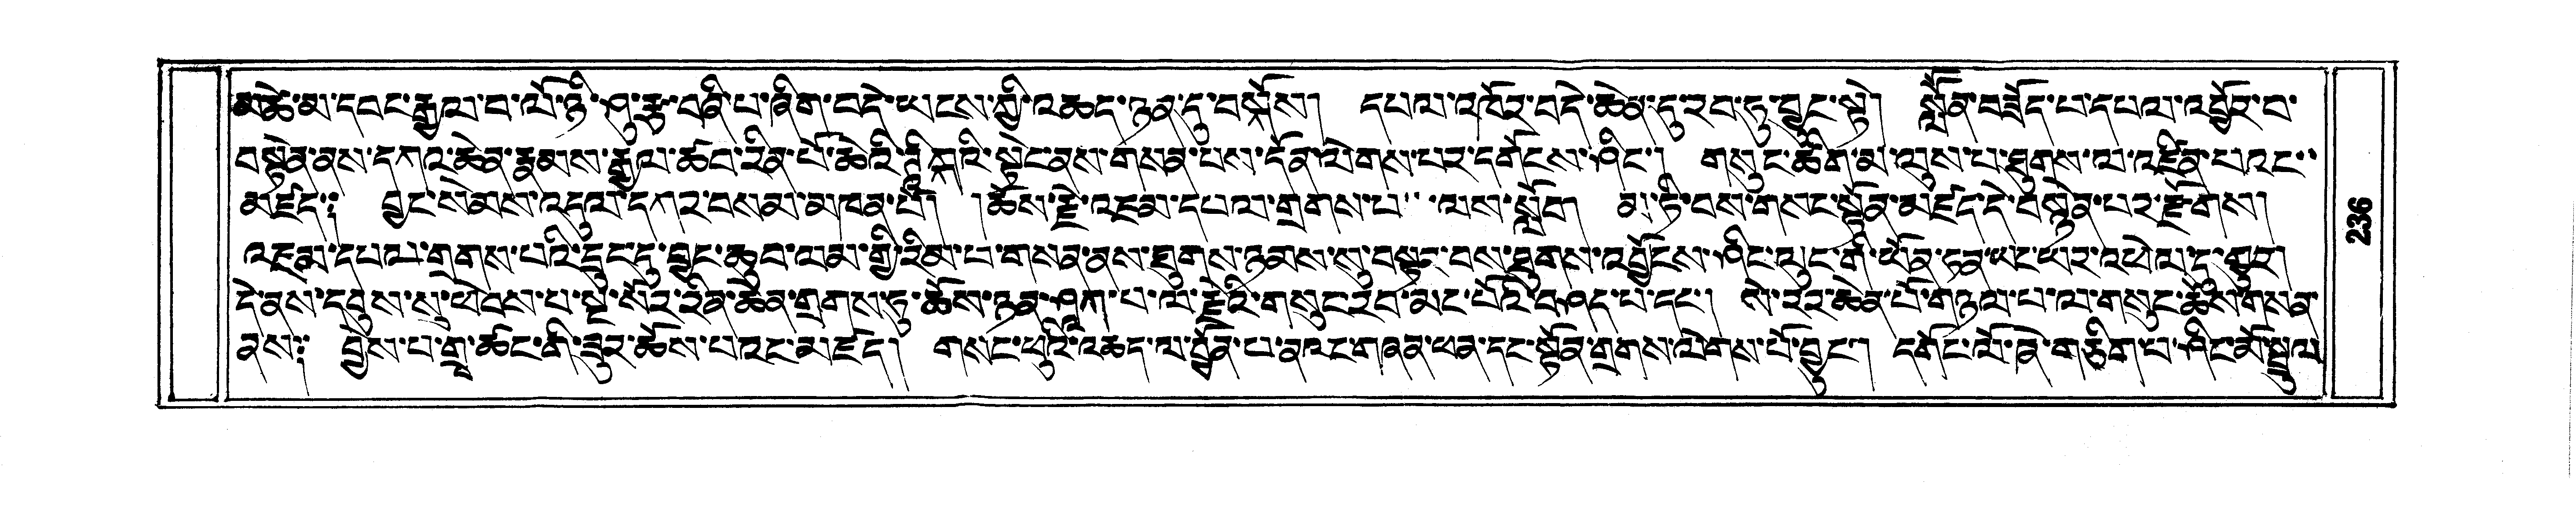མཚེ་མ་དབང་རྒྱལ་བ་ལོ་ཉི་ཤུ་རྩ་བཞི་པ་ཞིག་བདེ་ཡངས་ཀྱི་འཆད་ཉན་དུ་བསྐོས། དཔལ་འཁོར་བདེ་ཆེན་དུ་རབ་ཏུ་བྱུང་སྟེ། སླཽན་བཟོད་པ་དཔལ་འབྱོར་བ་
བསྟེན་ནས་དཀའ་ཆེན་རྣམས་རྒྱལ་ཚབ་རིན་པོ་ཆེའི་ཊཱིཀྐཱི་སྟེང་ནས་གསན་པས་དོན་ལེགས་པར་དགོངས་ཤིང་། གསུང་ཚིག་མ་ལུས་པ་ཐུགས་ལ་འཛིན་པའང་
མཛད༑ བྱང་སེམས་འདུལ་དཀར་བསམ་མཁན་པ། །ཆོས་རྗེ་འཇམ་དཔལ་གྲགས་པ་ལས་སློབ། མ་ཏི་བས་གསང་སྟོན་མཛད་དེ་བསྙེན་པར་རྫོགས།
འཇམ་དཔལ་གྲགས་པའི་དྲུང་དུ་བྱང་ཆུབ་ལམ་གྱི་རིམ་པ་གསན་ནས་ཐུགས་ཉམས་སུ་བསྟར་བས་ཐུགས་འབྱོངས་ཤིང་ལུང་གི་ཡོན་ཏན་ཡང་ཡར་འཕེལ་དུ་གྱུར།
དེ་ནས་དབུས་སུ་ཕེབས་པ་སྔ་སོར་རིན་ཆེན་གྲགས་ཏུ་ཆོས་ཉན་ཤཱཀ་པ་ལ་རྗེའི་གསུང་རབ་མང་པོའི་བཤད་པ་དང་། སེ་རར་ཆེན་པོ་གཉལ་པ་ལ་གསུང་ཆོས་གསན་
ནས༑ བྱེས་པ་གྲྭ་ཚང་གི་ཟུར་ཆོས་པའང་མཛད། གསང་ཕུའི་འཆད་ལ་བྱོན་པ་ནའང་གཞན་ཕན་དང་སྟོན་གྲགས་ལེགས་པོ་བྱུང་། དགོང་ལོ་ཞེ་གཅིག་པ་ཤིང་མོ་སྦྲུལ་